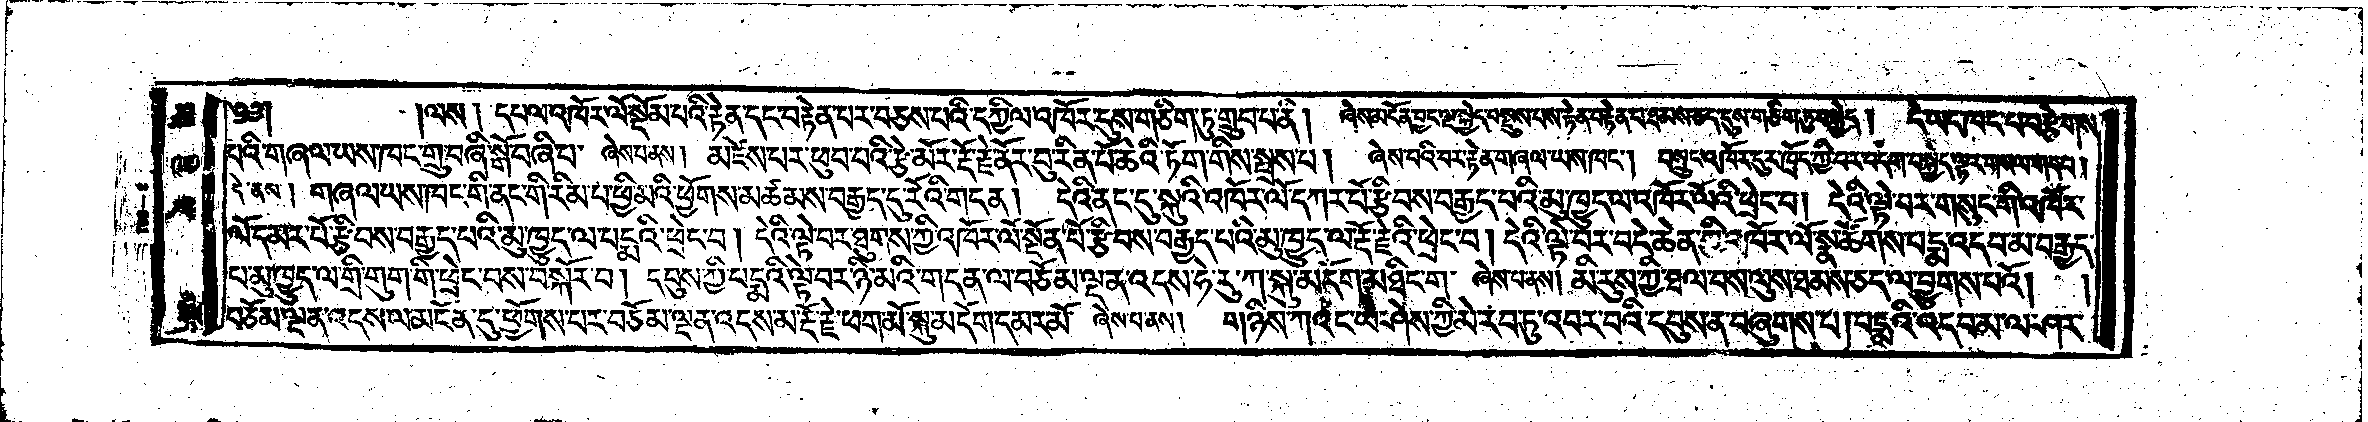༄༅། །ལས། དཔལ་འཁོར་ལོ་སྡོམ་པའི་རྟེན་དང་བརྟེན་པར་བཅས་པའི་དཀྱིལ་འཁོར་དུས་གཅིག་ཏུ་གྲུབ་པ་ནི། ཞེས་མངོན་བྱང་ལྔ་སྐྱེད་བསྡུས་པས་རྟེན་བརྟེན་པ་ཐམས་ཅད་དུས་གཅིག་ཏུ་བསྐྱེད།  དེ་ཡང་ཁང་པ་བརྩེགས་
པའི་གཞལ་ཡས་ཁང་གྲུ་བཞི་སྒོ་བཞི་པ་ཞེས་པ་ནས།  མཛེས་པར་ཕུབ་པའི་རྩེ་མོར་རྡོ་རྗེ་ནོར་བུ་རིན་པོ་ཆེའི་ཏོག་གིས་སྤྲས་པ། ཞེས་པའི་བར་རྟེན་གཞལ་ཡས་ཁང་།  བསྲུང་འཁོར་དུར་ཁྲོད་ཀྱི་བར་བདག་བསྐྱད་ལྟར་གསལ་གདབ།
དེ་ནས།  གཞལ་ཡས་ཁང་གི་ནང་གི་རིམ་པ་ཕྱི་མའི་ཕྱོགས་མཚམས་བརྒྱད་དུ་རོའི་གདན། དེའི་ནང་དུ་སྐུའི་འཁོར་ལོ་དཀར་པོ་རྩི་བས་བརྒྱད་པའི་མུ་ཁྱུད་ལ་འཁོར་ལོའི་ཕྲེང་བ། དེའི་སྟེ་བར་གསུང་གི་འཁོར་
ལོ་དམར་པོ་རྩི་པས་བརྒྱད་པའི་མུ་ཁྱུད་ལ་པདམའི་ཕྲེང་བ། དེའི་ལྟེ་བར་ཐུགས་ཀྱི་འཁོར་ལོ་སྔོན་པོ་རྩི་བས་བརྒྱད་པའི་མུ་ཁྱུད་ལ་རྡོ་རྗེའི་ཕྲེང་བ། དེའི་ལྟེ་བར་བདེ་ཆེན་གྱི་འཁོར་ལོ་སྣ་ཚོགས་པདམ་འདབ་མ་བརྒྱད་
པ་མུ་ཁྱུད་ལ་གྲི་གུག་གི་ཕྲེང་བས་བསྐོར་བ། དབུས་ཀྱི་པདམའི་ལྟེ་བར་ཉི་མའི་གདན་ལ་བཅོམ་ལྡན་འདས་ཧེ་རུ་ཀ་སྐུ་མདོག་མཐིང་ག་ཞེས་པ་ནས།  མི་རུས་ཀྱི་ཐལ་བས་ལུས་ཐམས་ཅད་ལ་བྱུགས་པའོ། །
བཅོམ་ལྡན་འདས་ལ་མངོན་དུ་ཕྱོགས་པར་བཅོམ་ལྡན་འདས་མ་རྡོ་རྗེ་ཕག་མོ་སྐུ་མདོག་དམར་མོ་ཞེས་པ་ནས།  གཉིས་པའང་ཡེ་ཤེས་ཀྱི་མེ་རབ་ཏུ་འབར་བའི་དབུས་ན་བཞུགས་པ། པདམའི་འདབ་མ་ལ་ཤར་